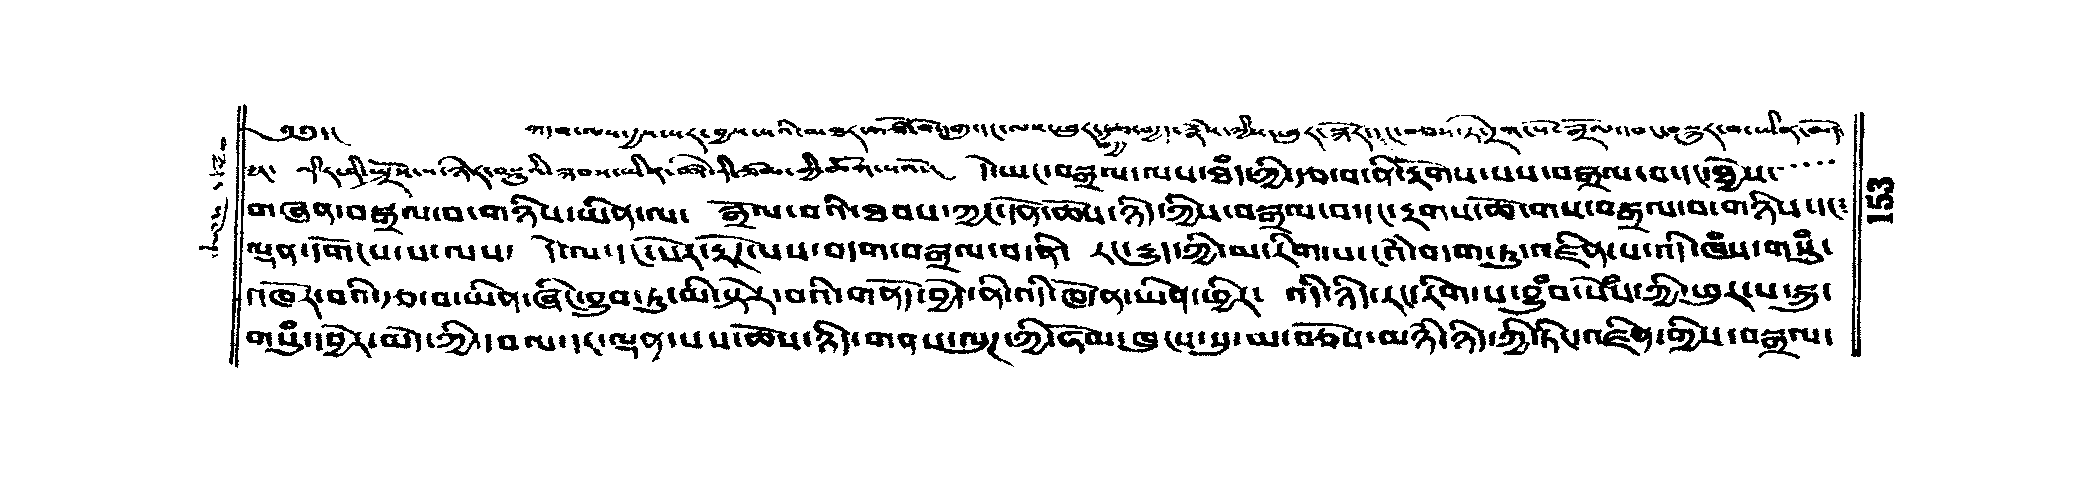གདབ་ལས་རྒྱས་པར་བྱས་པའི་མཐར་གཙོ་བོ་དགུ་དང་ལས་ཕུར་བརྒྱ་རྩ་བརྒྱད་རྣམས་ཀྱིས་ཕུར་སྐོར་དང་བཅས་ཏེ་དྲག་པོ་སྒྲོལ་དབང་བསྐུར་བ་ཡིན་མོད་
ཀྱང་།འདིར་ནི་སྤྲོས་པ་ཉེར་བསྡུའི་སྐབས་ཡིན་ཚེ་འདི་ཙམ་གྱི་ཆོག་པའོ། དེ་ཡང་བསྒྲལ་ལས་ཐམས་ཅད་ཀྱི་རྩ་བ་ནི་རྟོགས་པས་བསྒྲལ་བ་དང་ཐུགས་རྗེས་
གཞན་བསྒྲལ་བ་གཉིས་ཡིན་ལ། སྒྲོལ་བའི་ཐབས་ཀྱང་དོན་ཆོས་ཉིད་ཀྱིས་བསྒྲལ་བ་དང་རྟགས་ཆོ་གས་བསྒྲལ་བ་གཉིས་དང་
ལྡན་དགོངས་པ་ལས། དེ་ལ་དང་པོར་རྟོགས་པས་བདག་བསྒྲལ་བ་ནི། རང་རྒྱུད་ཀྱི་མ་རིག་པ་ངའམ་བདག་ཏུ་འཛིན་པ་འདི་ཁམས་གསུམ་
འཁོར་བའི་རྩ་བ་ཡིན་ཞིང་བྱང་ཆུབ་ཏུ་མི་སྟེར་བའི་གནོད་བྱེད་ནི་འདི་ཁོ་ན་ཡིན་ཕྱིར། འདི་ཉིད་རང་རིག་པ་བྱང་ཆུབ་སེམས་ཀྱི་ཕུར་པ་སྐུ་
གསུམ་དབྱེར་མེད་ཀྱི་དཔལ་དང་ལྡན་པས་ཆོས་ཉིད་གནས་ལུགས་ཀྱི་ཧོམ་ཁུངས་སུ་མ་བཅོས་མཉམ་ཉིད་ཀྱི་ཏིང་འཛིན་གྱིས་བསྒྲལ་